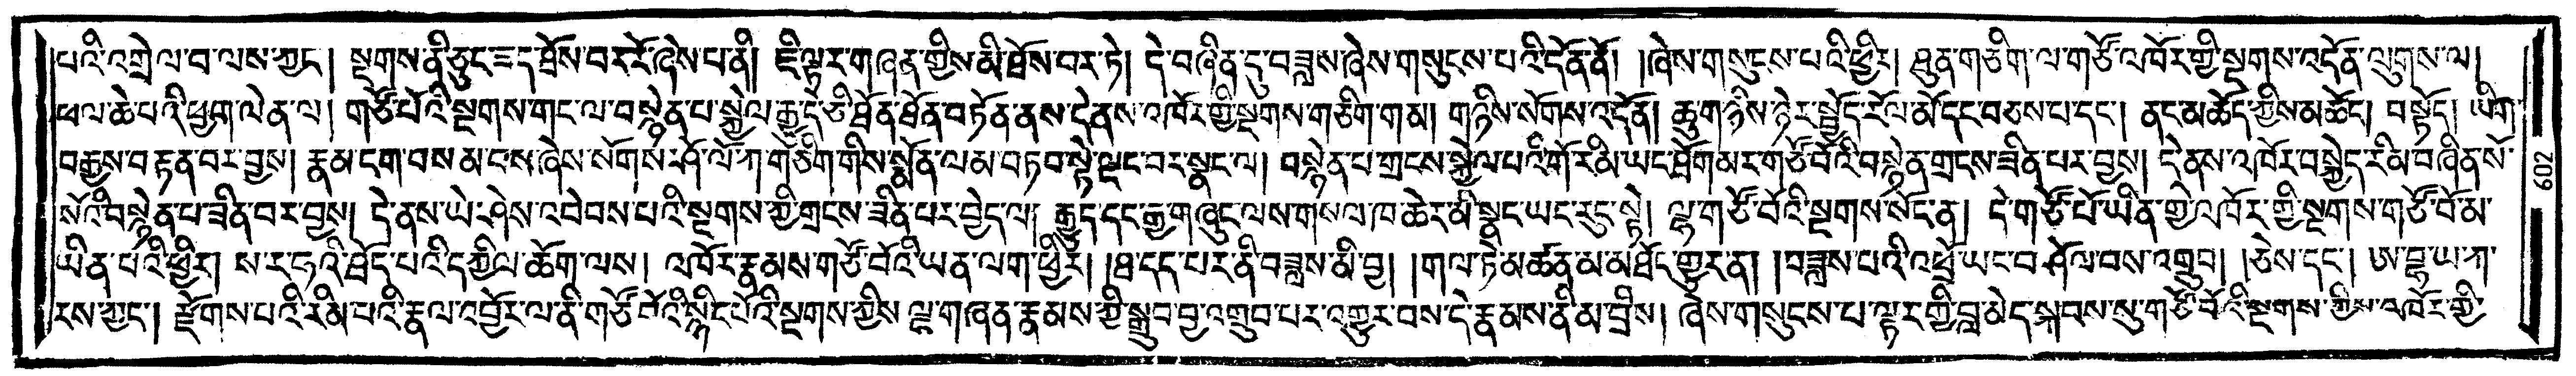པའི་འགྲེལ་བ་ལས་ཀྱང་། སྔགས་ནི་ཅུང་ཟད་ཐོས་བར་རོ་ཞེས་པ་ནི། ཇི་ལྟར་གཞན་གྱིས་མི་ཐོས་བར་ཏེ། དེ་བཞིན་དུ་བཟླས་ཞེས་གསུངས་པའི་དོན་ནོ། །ཞེས་གསུངས་པའི་ཕྱིར། ཐུན་གཅིག་ལ་གཙོ་འཁོར་གྱི་སྔགས་འདོན་ལུགས་ལ།
ཕལ་ཆེ་པའི་ཕྱག་ལེན་ལ། གཙོ་པོའི་སྔགས་གང་ལ་བསྙེན་པ་སྐྱེལ་རྒྱུ་དེ་ཅི་ཐོན་ཐོན་བཏོན་ནས་དེ་ནས་འཁོར་གྱི་སྔགས་གཅིག་གམ། གཉིས་སོགས་འདོན། ཆུ་གཉིས་ཉེར་སྤྱོད་རོལ་མོ་དང་བཅས་པ་དང་། ནང་མཆོད་ཀྱིས་མཆོད། བསྟོད། ཡིག་
བརྒྱས་བརྟན་པར་བྱས། རྣམ་དག་བསམ་པས་ཞེས་སོགས་ཤོ་ལོ་ཀ་གཅིག་གིས་སྨོན་ལམ་བཏབ་སྟེ་ལྡང་བར་སྣང་ལ། བསྙེན་པ་གྲངས་སྐྱེལ་པའི་གོ་རིམ་ཡང་ཐོག་མར་གཙོ་བོའི་བསྙེན་གྲངས་ཟིན་པར་བྱས། དེ་ནས་འཁོར་བསྐྱེད་རིམ་བཞིན་སོ་
སོའི་བསྙེན་པ་ཟིན་པར་བྱས། དེ་ནས་ཡེ་ཤེས་འབེབས་པའི་སྔགས་ཀྱི་གྲངས་ཟིན་པར་བྱེད་ལ། རྒྱུད་དང་རྒྱ་གཞུང་ལས་གསལ་ཁ་ཆེར་མི་སྣང་ཡང་རུང་སྟེ། ལྷ་གཙོ་བོའི་སྔགས་སོང་ན། དེ་གཙོ་བོ་ཡིན་གྱི་འཁོར་གྱི་སྔགས་གཙོ་བོ་མ་
ཡིན་པའི་ཕྱིར། ས་ར་ཧའི་ཐོད་པའི་དཀྱིལ་ཆོག་ལས། འཁོར་རྣམས་གཙོ་བོའི་ཡན་ལག་ཕྱིར། །ཐ་དད་པར་ནི་བཟླས་མི་བྱ། །གལ་ཏེ་མཚན་མ་མཐོང་གྱུར་ན། །བཟླས་པའི་འཕྲོ་ཡང་བཤོལ་བས་འགྲུབ། །ཅེས་དང་། ཨ་བྷ་ཡ་ཀ་
རས་ཀྱང་། རྫོགས་པའི་རིམ་པའི་རྣལ་འབྱོར་ལ་ནི་གཙོ་བོའི་སྙིང་པོའི་སྔགས་ཀྱིས་ལྷ་གཞན་རྣམས་ཀྱི་སྒྲུབ་བྱ་འགྲུབ་པར་འགྱུར་བས་དེ་རྣམས་ནི་མ་བྲིས། ཞེས་གསུངས་པ་ལྟར་གྱི་བླ་མེད་སྐབས་སུ་གཙོ་བོའི་སྔགས་ཀྱིས་འཁོར་གྱི་